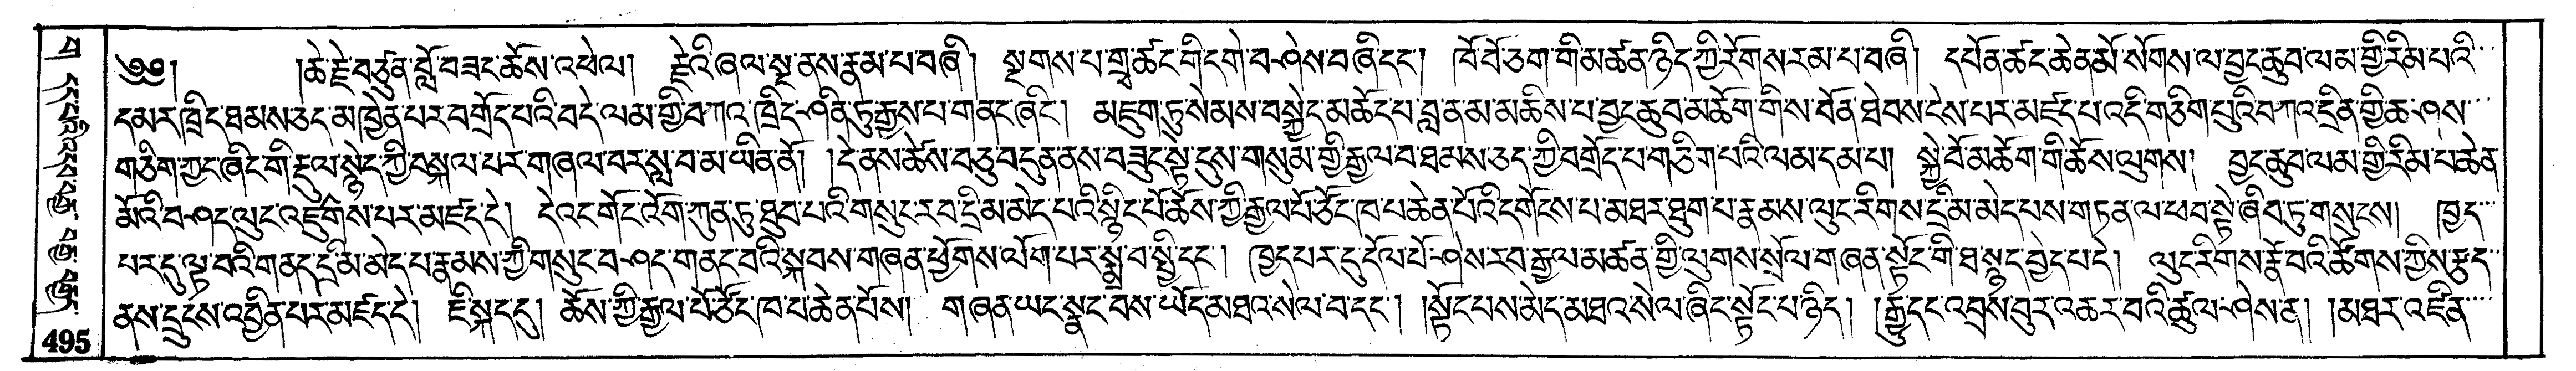༄༅། །ཆེ་རྗེ་བཙུན་བློ་བཟང་ཆོས་འཕེལ། རྗེའི་ཞལ་སྔ་ནས་རྣམ་པ་བཞི། སྔགས་པ་གྲྭ་ཚང་གི་དགེ་བཤེས་བཞི་དང་། ཁོ་བོ་ཅག་གི་མཚན་ཉིད་ཀྱི་རོགས་རམ་པ་བཞི། དཔོན་ཚང་ཆེན་མོ་སོགས་ལ་བྱང་ཆུབ་ལམ་གྱི་རིམ་པའི་
དམར་ཁྲིད་ཐམས་ཅད་མཁྱེན་པར་བགྲོད་པའི་བདེ་ལམ་གྱི་བཀའ་ཁྲིད་ཤིན་ཏུ་རྒྱས་པ་གནང་ཞིང་། མཇུག་ཏུ་སེམས་བསྐྱེད་མཆོད་པ་བླ་ན་མ་མཆིས་པ་བྱང་ཆུབ་མཆོག་གི་ས་བོན་ཐེབས་ངེས་པར་མཛད་པ་འདི་གཅིག་པུའི་བཀའ་དྲིན་གྱི་ཆ་ཤས་
གཅིག་ཀྱང་ཞིང་གི་རྡུལ་སྙེད་ཀྱི་བསྐལ་པར་གཞལ་བར་སླ་བ་མ་ཡིན་ནོ། །དེ་ནས་ཚེས་བཅུ་བདུན་ནས་བཟུང་སྟེ་དུས་གསུམ་གྱི་རྒྱལ་བ་ཐམས་ཅད་ཀྱི་བགྲོད་པ་གཅིག་པའི་ལམ་དམ་པ། སྐྱེ་བོ་མཆོག་གི་ཆོས་ལུགས། བྱང་ཆུབ་ལམ་གྱི་རིམ་པ་ཆེན་
མོའི་བཤང་ལུང་འཛུགས་པར་མཛད་དེ། དེའང་གོང་འོག་ཀུན་ཏུ་ཐུབ་པའི་གསུང་རབ་དྲི་མ་མེད་པའི་སྙིང་པོ་ཆོས་ཀྱི་རྒྱལ་པོ་ཙོང་ཁ་པ་ཆེན་པོའི་དགོངས་པ་མཐར་ཐུག་པ་རྣམས་ལུང་རིགས་དྲི་མ་མེད་པས་གཏན་ལ་ཕབ་སྟེ་ཞིབ་ཏུ་གསུངས། ཁྱད་
པར་དུ་ལྟ་བའི་གནང་དྲི་མ་མེད་པ་རྣམས་ཀྱི་གསུང་བཤད་གནང་བའི་སྐབས་གཞན་ཕྱོགས་ལོག་པར་སྨྲ་བ་སྦྱི་དང་། ཁྱད་པར་དུ་ངོལ་པོ་ཤེས་རབ་རྒྱལ་མཚན་གྱི་ལུགས་སྲོལ་གཞན་སྟོང་གི་ཐ་སྙད་བྱེད་པ་དེ། ལུང་རིགས་རྣོ་བའི་ཚོགས་ཀྱིས་རྩང་
ནས་དྲུངས་འབྱིན་པར་མཛད་དེ། ཇི་སྐད་དུ། ཆོས་ཀྱི་རྒྱལ་པོ་ཙོང་ཁ་པ་ཆེན་པོས། གཞན་ཡང་སྣང་བས་ཡོད་མཐའ་སེལ་བ་དང་། །སྟོང་པས་མེད་མཐའ་སེལ་ཞིང་སྟོང་པ་ཉིད། །རྒྱུ་དང་འབྲས་བུར་འཆར་བའི་ཚུལ་ཤེས་ན། །མཐར་འཛིན་